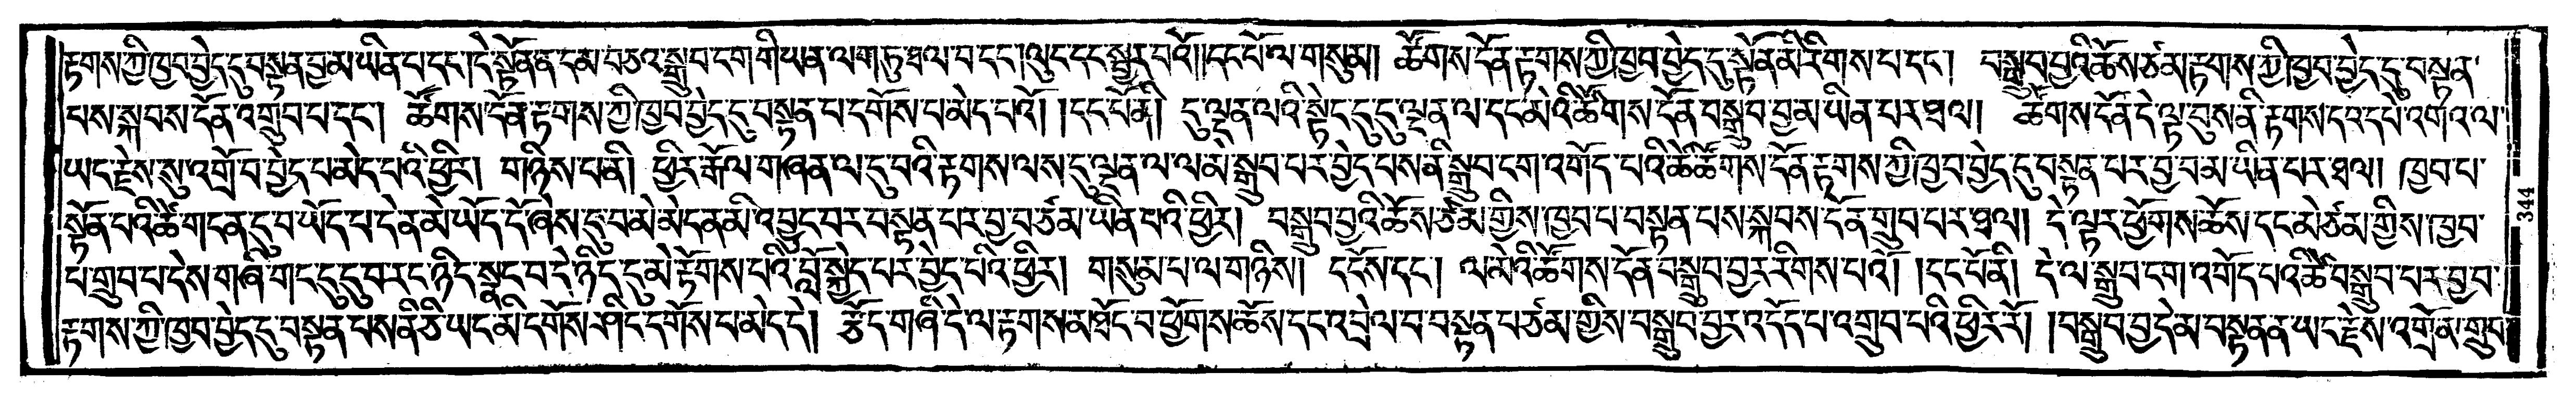རྟགས་ཀྱི་ཁྱབ་བྱེད་དུ་བསྟན་བྱ་མ་ཡིན་པ་དང་། དེ་སྟོན་ན་དམ་བཅའ་སྒྲུབ་ངག་གི་ཡན་ལག་ཏུ་ཐལ་བ་དང་། ལུང་དང་སྦྱར་བའོ། །དང་པོ་ལ་གསུམ། ཚོགས་དོན་རྟགས་ཀྱི་ཁྱབ་བྱེད་དུ་སྟོན་མི་རིགས་པ་དང་། བསྒྲུབ་བྱའི་ཆོས་ཙམ་རྟགས་ཀྱི་ཁྱབ་བྱེད་དུ་བསྟན་
པས་སྐབས་དོན་འགྲུབ་པ་དང་། ཚོགས་དོན་རྟགས་ཀྱི་ཁྱབ་བྱེད་དུ་བསྟན་པ་དགོས་པ་མེད་པའོ། །དང་པོ་ནི། དུ་ལྡན་ལའི་སྟེང་དུ་དུ་ལྡན་ལ་དང་མེའི་ཚོགས་དོན་བསྒྲུབ་བྱ་མ་ཡིན་པར་ཐལ། ཚོགས་དོན་དེ་ལྟ་བུས་ནི་རྟགས་དཔའ་དཔེ་འགའ་ལ་
ཡང་རྗེས་སུ་འགྲོ་བ་བྱེད་པ་མེད་པའི་ཕྱིར། གཉིས་པ་ནི། ཕྱིར་རྒོལ་གཞན་ལ་དུ་བའི་རྟགས་ལས་དུ་ལྡན་ལ་ལ་མེ་སྒྲུབ་པར་བྱེད་པས་ནི་སྒྲུབ་ངག་འགོད་པའི་ཚེ་ཚོགས་དོན་རྟགས་ཀྱི་ཁྱབ་བྱེད་དུ་བསྟན་པར་བྱ་བ་མ་ཡིན་པར་ཐལ། ཁྱབ་པ་
སྟོན་པའི་ཚེ་གང་ན་དུ་བ་ཡོད་པ་དེ་ན་མེ་ཡོད་དོ་ཞེས་དུ་བ་མེ་མེད་ན་མི་འབྱུང་བར་བསྟན་པར་བྱ་བ་ཙམ་ཡིན་པའི་ཕྱིར། བསྒྲུབ་བྱའི་ཆོས་ཙམ་གྱིས་ཁྱབ་པ་བསྟན་པས་སྐབས་དོན་གྲུབ་པར་ཐལ། དེ་ལྟར་ཕྱོགས་ཆོས་དང་མེ་ཙམ་གྱིས་ཁྱབ་
པ་གྲུབ་པ་དེས་གཞི་གང་དུ་དུ་བ་རང་ཉིད་སྣང་བ་དེ་ཉིད་དུ་མེ་རྟོགས་པའི་བློ་སྐྱེད་པར་བྱེད་པའི་ཕྱིར། གསུམ་པ་ལ་གཉིས། དངོས་དང་། ལ་མེའི་ཚོགས་དོན་བསྒྲུབ་བྱར་རིགས་པའོ། །དང་པོ་ནི། དེ་ལ་སྒྲུབ་ངག་འགོད་པའི་ཚེ་བསྒྲུབ་པར་བྱ་བ་
རྟགས་ཀྱི་ཁྱབ་བྱེད་དུ་བསྟན་པས་ནི་ཅི་ཡང་མི་དགོས་ཤིང་དགོས་པ་མེད་དེ། རྩོད་གཞི་དེ་ལ་རྟགས་མཐོང་བ་ཕྱོགས་ཆོས་དང་འབྲེལ་བ་བསྟན་པ་ཙམ་གྱིས་བསྒྲུབ་བྱར་འདོད་པ་འགྲུབ་པའི་ཕྱིར་རོ། །བསྒྲུབ་བྱ་དེ་མ་བསྟན་ན་ཡང་རྗེས་འགྲོ་མ་གྲུབ་